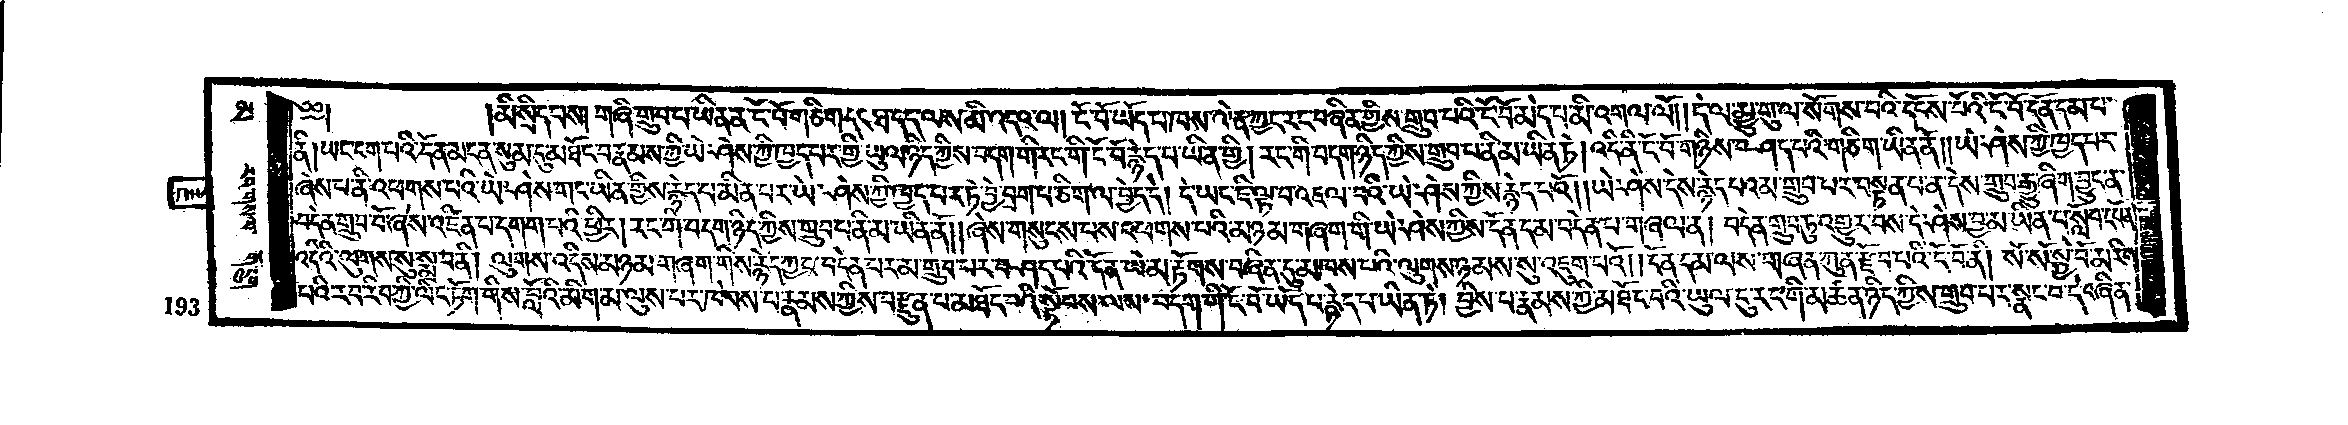༄༅། །མི་སྲིད་པས། གཞི་གྲུབ་པ་ཡིན་ན་ངོ་བོ་གཅིག་དང་ཐ་དད་ལས་མི་འདའ་ལ། ངོ་བོ་ཡོད་པ་ཁས་ལེན་ཀྱང་རང་བཞིན་གྱིས་གྲུབ་པའི་ངོ་བོ་མེད་པ་མི་འགལ་ལོ། །དེ་ལ་མྱུ་གུ་ལ་སོགས་པའི་དངོས་པོའི་ངོ་བོ་དོན་དམ་པ་
ནི། ཡང་དག་པའི་དོན་མངོན་སུམ་དུ་མཐོང་བ་རྣམས་ཀྱི་ཡེ་ཤེས་ཀྱི་ཁྱད་པར་གྱི་ཡུལ་ཉིད་ཀྱིས་བདག་གི་རང་གི་ངོ་བོ་རྙེད་པ་ཡིན་གྱི། རང་གི་བདག་ཉིད་ཀྱིས་གྲུབ་པ་ནི་མ་ཡིན་ཏེ། འདི་ནི་ངོ་བོ་གཉིས་བཤད་པའི་གཅིག་ཡིན་ནོ། །ཡེ་ཤེས་ཀྱི་ཁྱད་པར་
ཞེས་པ་ནི་འཕགས་པའི་ཡེ་ཤེས་གང་ཡིན་གྱིས་རྙེད་པ་མིན་པར་ཡེ་ཤེས་ཀྱི་ཁྱད་པར་ཏེ་བྱེ་བྲག་པ་ཞིག་ལ་བྱེད་དེ། དེ་ཡང་ཇི་ལྟ་བ་འཇལ་བའི་ཡེ་ཤེས་ཀྱིས་རྙེད་པའོ། །ཡེ་ཤེས་དེས་རྙེད་པའམ་གྲུབ་པར་བསྟན་པ་ན་དེས་གྲུབ་རྒྱུ་ཞིག་བྱུང་ན་
བདེན་གྲུབ་བོ་ཞེས་འཛིན་པ་དགག་པའི་ཕྱིར། རང་གི་བདག་ཉིད་ཀྱིས་གྲུབ་པ་ནི་མ་ཡིན་ནོ། །ཞེས་གསུངས་པས་འཕགས་པའི་མཉམ་གཞག་གི་ཡེ་ཤེས་ཀྱིས་དོན་དམ་བདེན་པ་གཞལ་ན། བདེན་གྲུབ་ཏུ་འགྱུར་བས་དེ་ཤེས་བྱ་མ་ཡིན་པ་སློབ་དཔོན་
འདིའི་ལུགས་སུ་སྨྲ་བ་ནི། ལུགས་འདིས་མཉམ་གཞག་གིས་རྙེད་ཀྱང་བདེན་པར་མ་གྲུབ་པར་བཤད་པའི་དོན་ཡི་མ་རྟོགས་བཞིན་དུ་མཁས་པའི་ལུགས་ཉམས་སུ་འཇུག་པའོ། །དོན་དམ་ལས་གཞན་ཀུན་རྫོབ་པའི་ངོ་བོ་ནི། སོ་སོ་སྐྱེ་བོ་མ་རིག་
པའི་རབ་རིབ་ཀྱི་ལིང་ཏོག་གིས་བློའི་མིག་མ་ལུས་པར་ཁེབས་པ་རྣམས་ཀྱིས་བརྫུན་པ་མཐོང་བའི་སྟོབས་ལས་བདག་གི་ངོ་བོ་ཡོད་པ་རྙེད་པ་ཡིན་ཏེ། བྱིས་པ་རྣམས་ཀྱི་མཐོང་བའི་ཡུལ་དུ་རང་གི་མཚན་ཉིད་ཀྱིས་གྲུབ་པར་སྣང་བ་དེ་བཞིན་